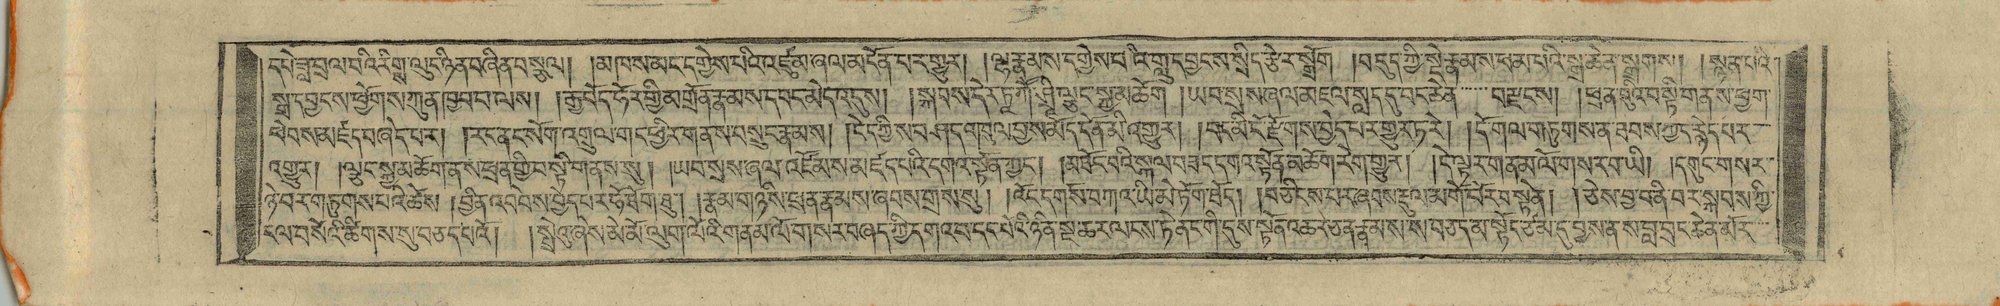དཔེ་ཟླ་བྲལ་བའི་རིགས་ལུང་ཉིན་བཞིན་བསྩལ། །མཁས་མང་དགྱེས་པའི་འཛུམ་ཞལ་མཇོན་པར་གྱུར། །ལྷ་རྣམས་དགྱེས་པའི་གླུ་དབྱངས་སྲིད་རྩེར་སྒྲོག །བདུད་ཀྱི་སྡེ་རྣམས་ཕམ་པའི་སྒྲ་ཆེན་སྒྲགས། །སྙན་པའི་
སྒྲ་དབྱངས་ཕྱོགས་ཀུན་ཁྱབ་པ་ལས། །རྒྱ་བོད་ཧོར་གྱི་མགྲོན་རྣམས་དབང་མེད་འདུས། །སྐབས་དེར་ཏཱ་ཀཽ་ཤྲཱི་ལྕང་སྐྱ་མཆོག །ཡབ་སྲས་ཞལ་མཇལ་སླད་དུ་བང་ཆེན་བརྫངས། །ཕྲན་བུའི་བསྟི་གནས་ཕྱག་
ཕེབས་མཛད་བཞེད་པར། །རང་ནང་སོག་འགྲུལ་གང་ཕྱིར་གནས་བསྲུང་རྣམས། །ངེད་ཀྱིས་བཤད་འཁུལ་བྱས་མོད་དོན་མི་འགྱུར། །བང་མིང་རྫོགས་བྱེད་པར་གྱུར་ཏ་རེ། །དོ་གལ་གཏུགས་ན་ཐབས་ཀྱང་རྙེད་པར་
འགྱུར། །ལྕང་སྐྱ་མཆོག་ནས་ཕྲན་གྱི་བསྟི་གནས་སུ། །ཡབ་སྲས་ཞལ་འཛོམས་མཛད་པའི་དགའ་སྟོན་ཀྱང་། །མཐོང་བའི་སྐལ་བཟང་དགའ་སྟོན་མཆོག་རེག་གྱུར། །དེ་ལྟར་གནམ་ལོ་གསར་བ་ཡི། །དགུང་གསར་
ཉེ་བར་གཏུགས་པའི་ཚེས། །བྱིན་འབེབས་བྱེད་པར་ཧོ་ཐོག་ཐུ། །རྣམ་གཉིས་ཕྲན་རྣམས་ཞབས་གྲས་སུ། །འོང་དགོས་བཀའ་ཡི་མེ་ཏོག་ཐོད། །བཅིངས་པར་ཞབས་རྡུལ་མགོ་བོར་བསྟེན། །ཅེས་བྱ་བ་ནི་བར་སྐབས་ཀྱི་
ངལ་བསོའི་ཚིགས་སུ་བཅད་པའོ། །སྤྲེའུ་ཞེས་མེ་མོ་ལུག་ལོའི་གནམ་ལོ་གསར་བཞད་ཀྱི་དགའ་བ་དང་པོའི་ཉིན་སྔ་ཆར་ལངས་ཏེ་ནང་གི་དུས་སྟོན་འཆར་ཅན་རྣམས་ས་བཅད་མ་སྟོང་ཙམ་དུ་བྱས་ནས་བླ་བྲང་ཆེན་མོར་